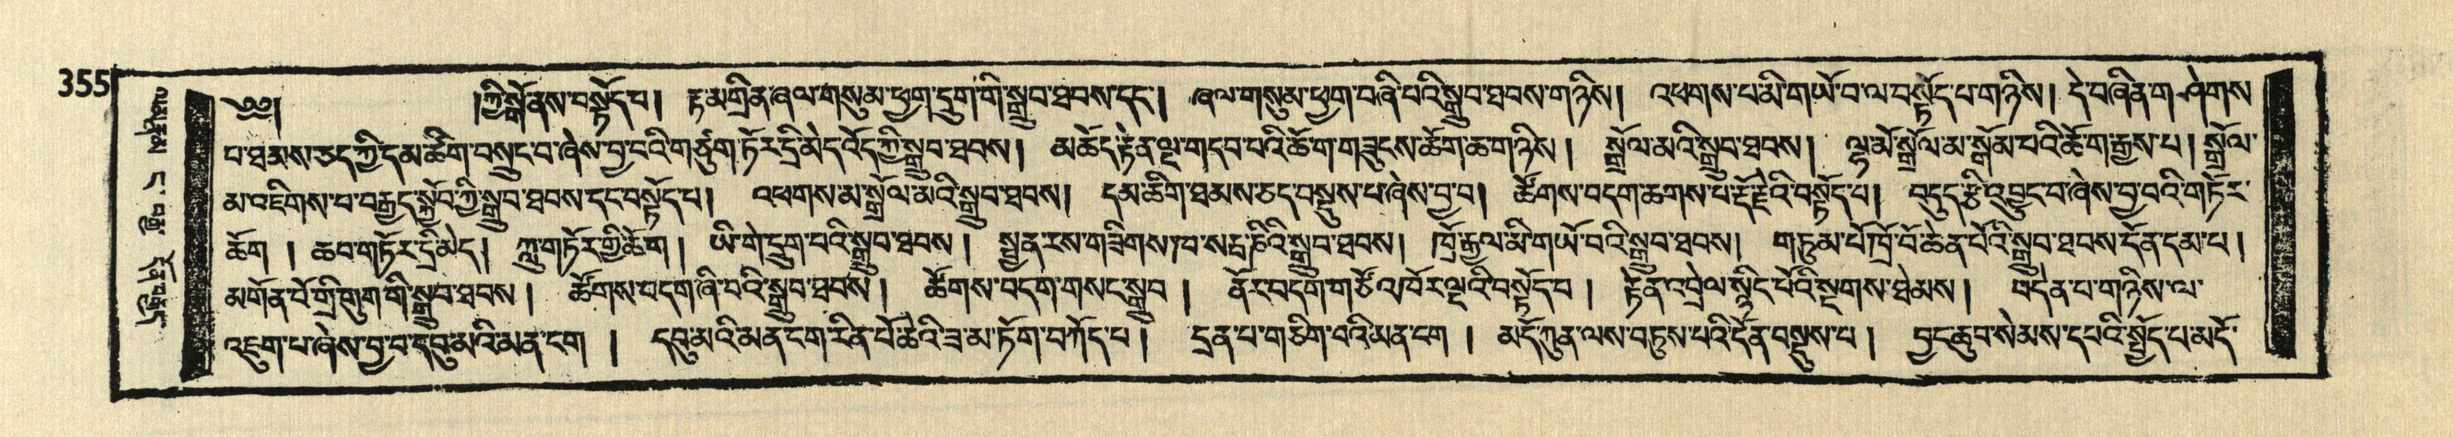༄༅། །ཀྱི་སྒོ་ནས་བསྟོད་པ། རྟ་མགྲིན་ཞལ་གསུམ་ཕྱག་དྲུག་གི་སྒྲུབ་ཐབས་དང་། ཞལ་གསུམ་ཕྱག་བཞི་པའི་སྒྲུབ་ཐབས་གཉིས། འཕགས་པ་མི་གཡོ་བ་ལ་བསྟོད་པ་གཉིས། དེ་བཞིན་གཤེགས་
པ་ཐམས་ཅད་ཀྱི་དམ་ཚིག་བསྲུང་བ་ཞེས་བྱ་བའི་གཙུག་ཏོར་དྲི་མེད་འོད་ཀྱི་སྒྲུབ་ཐབས། མཆོད་རྟེན་ལྔ་གདབ་པའི་ཆོ་ག་གཟུངས་ཆོག་ཆ་གཉིས། སྒྲོལ་མའི་སྒྲུབ་ཐབས། ལྷ་མོ་སྒྲོལ་མ་སྒོམ་པའི་ཆོ་ག་རྒྱས་པ། སྒྲོལ་
མ་འཇིགས་པ་བརྒྱད་སྐྱོབ་ཀྱི་སྒྲུབ་ཐབས་དང་བསྟོད་པ། འཕགས་མ་སྒྲོལ་མའི་སྒྲུབ་ཐབས། དམ་ཚིག་ཐམས་ཅད་བསྡུས་པ་ཞེས་བྱ་བ། ཚོགས་བདག་ཆགས་པ་རྡོ་རྗེའི་བསྟོད་པ། བདུད་རྩི་འབྱུང་བ་ཞེས་བྱ་བའི་གཏོར་
ཆོག། ཆབ་གཏོར་དྲི་མེད། ཀླུ་གཏོར་གྱི་ཆོག། ཡི་གེ་དྲུག་པའི་སྒྲུབ་ཐབས། སྤྱན་རས་གཟིགས་ཁ་སརྦ་ཎིའི་སྒྲུབ་ཐབས། ཁྲོ་རྒྱལ་མི་གཡོ་བའི་སྒྲུབ་ཐབས། གཏུམ་པོ་ཁྲོ་བོ་ཆེན་པོའི་སྒྲུབ་ཐབས་དོན་དམ་པ།
མགོན་པོ་གྲི་གུག་གི་སྒྲུབ་ཐབས། ཚོགས་བདག་ཞི་བའི་སྒྲུབ་ཐབས། ཚོགས་བདག་གསང་སྒྲུབ། ནོར་བདག་གཙོ་འཁོར་ལྔའི་བསྟོད་པ། རྟེན་འབྲེལ་སྙིང་པོའི་སྔགས་ཐེམས། བདེན་པ་གཉིས་ལ་
འཇུག་པ་ཞེས་བྱ་བ་དབུ་མའི་མན་ངག། དབུ་མའི་མན་ངག་རིན་པོ་ཆེའི་ཟ་མ་ཏོག་བཀོད་པ། དྲན་པ་གཅིག་བའི་མན་ངག། མདོ་ཀུན་ལས་བཏུས་པའི་དོན་བསྡུས་པ། བྱང་ཆུབ་སེམས་དཔའི་སྤྱོད་པ་མདོ་